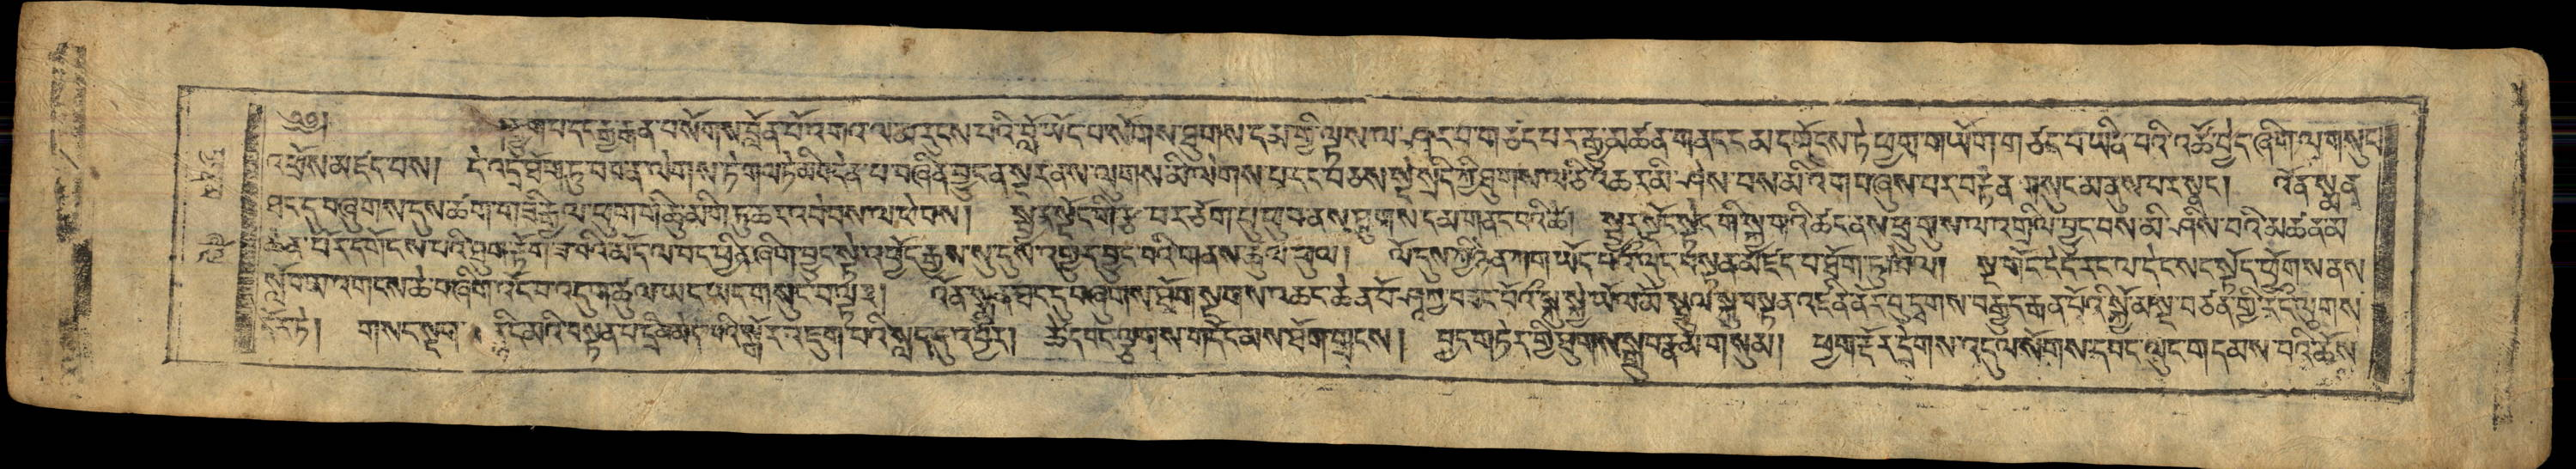༄༅། །རྒྱུག་པ་དང་རྒྱ་རྒན་པ་སོགས་བློན་པོ་འགའ་ལམ་རུངས་པའི་བློ་ཡོད་པ་སོགས་ཐུགས་དམ་གྱི་ལྟས་ལ་ཤར་བ་གཙང་པར་རྒྱུ་མཚན་གནང་དམ་དགོངས་ཏེ་ཕྱག་གཡོག་གཙང་བ་ཡིན་པའི་འཚོ་བྱེད་ཞིག་ལ་གསུང་
འཕྲོས་མཛད་པས། དེ་འདྲ་ཐོག་ཏུ་བབ་ན་ལེགས་ཏེ་གལ་ཏེ་མི་བདེན་པ་བཞིན་བྱུང་ན་སྔར་ནས་ལུགས་མི་ལེགས་པ་དང་བཅས་སྡེ་སྲིད་ཀྱི་ཐུགས་ལ་ཅི་འཆར་མི་ཤེས་པས་མི་འགབ་ཞུས་པར་བརྟེན་གསུང་མ་ནུས་པར་སྣང་། འོན་སྨན་
ཐང་དུ་བཞུགས་དུས་ཚག་གཟི་རྒྱལ་ཕུག་གི་ཆུ་མིག་ཏུ་ཆར་འབེབས་ལ་ཕེབས། སྦྱར་སྡོང་གི་རྩ་བར་ཅོག་པུ་ཕུབ་ནས་ཐུགས་དམ་གནང་བའི་ཚེ། སྦྱར་སྡོང་སྟེང་གི་སྐྱ་གའི་ཚང་ནས་ཕྲུ་གུས་ལ་འགྲིལ་བྱུང་བས་མི་ཤིས་པའི་མཚན་མ་
ཆེན་པོར་དགོངས་པའི་ཐུག་རྟོག་ཟ་བའི་མོད་ལ་བང་ཕྱིན་ཞིག་བྱུང་སྟེ་འཕྱོང་རྒྱས་སུ་དུས་འགྱུར་བྱུང་བའི་གནས་ཚུལ་ཕུལ། ལོ་དུས་ཀྱི་ཉེན་ཀག་ཡོད་པཱྀ་ལུང་བསྟན་མཛད་པ་ཐོག་ཏུ་ཁེལ། སྔ་གོང་ངེད་རང་ལ་དེང་སང་སྟོད་ཕྱོགས་ནས་
སློབ་མ་འགངས་ཆེ་བ་ཞིག་འོང་བ་འདུག་ཚུལ་ཡང་ཡང་གསུང་བ་ལྟར། འོན་སྨན་ཐང་དུ་བཞུགས་ཐོག་སྔགས་འཆང་ཆེན་པོ་ཤཱཀྱ་བཟང་པོཨཱྀ་སྐུ་སྐྱེ་ཡོལ་མོ་སྤྲུལ་སྐུ་བསྟན་འཛིན་ནོར་བུ་དྭགས་བརྒྱུད་རྒན་པོའི་སྐྱོ་མ་སྔ་བཙན་གྱི་རྀང་ལུགས་
ངོར་ཏ། གསང་སྔགས་རྙིང་མའི་བསྟན་པ་དྲི་མ་མེད་པའི་སྒོར་འཇུག་པའི་སླད་དུ་འབྱོར། ཚེ་དབང་ལྕགས་གདོང་མས་ཐོག་གྲངས། བྱང་གཏེར་གྱི་ཐུགས་སྒྲུབ་རྣམ་གསུམ། ཕྱག་རྡོར་དྲེགས་འདུལ་སོགས་དབང་ལུང་གདམས་པའི་ཆོས་